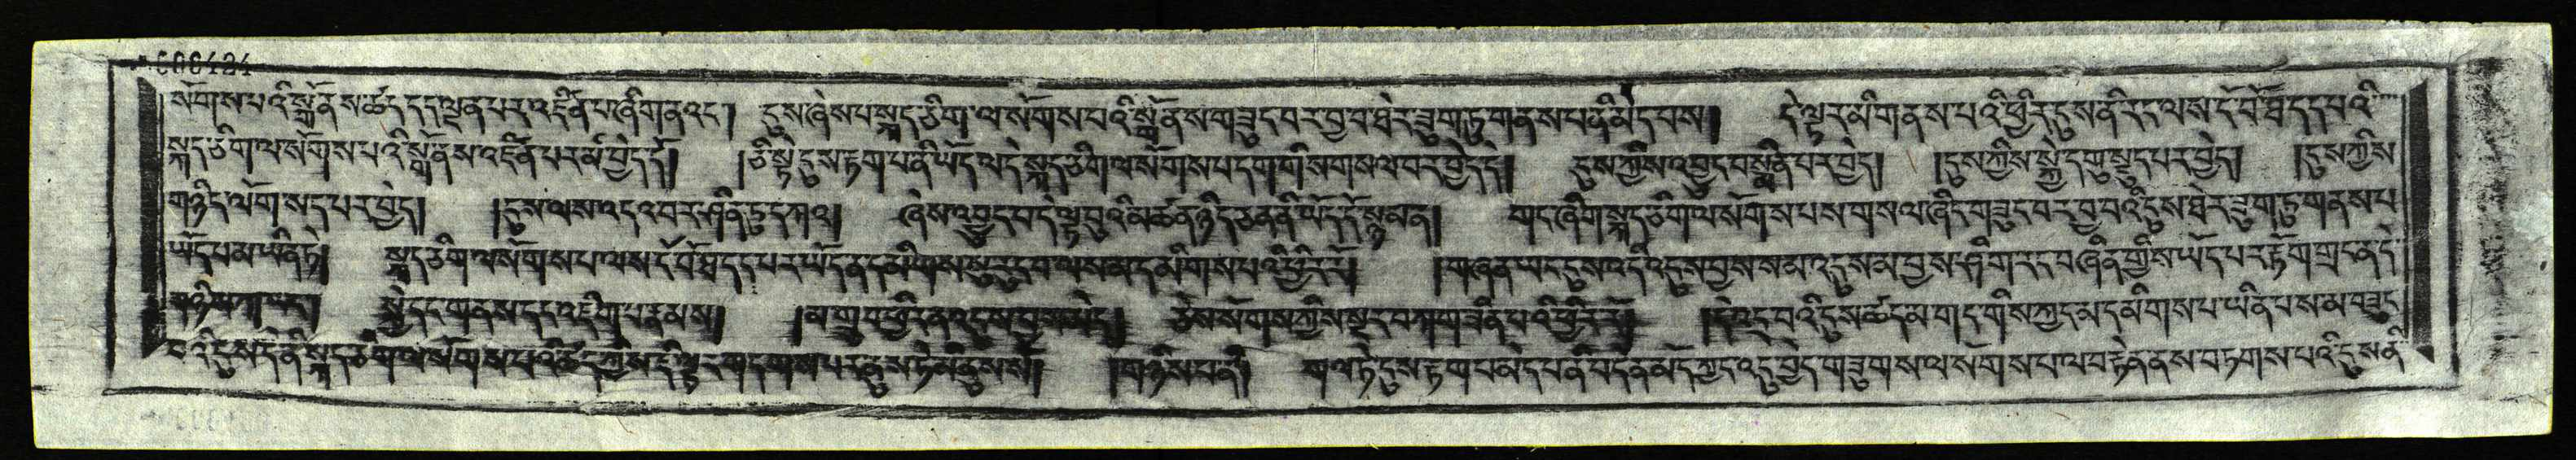སོགས་པའི་སྒོ་ནས་ཚད་དང་ལྡན་པར་འཛིན་པ་ཞིག་ནའང་། དུས་ཞེས་པ་སྐད་ཅིག་ལ་སོགས་པའི་སྒོ་ནས་གཟུང་བར་བྱ་བ་ཐེར་ཟུག་ཏུ་གནས་པ་ནི་མེད་པས། དེ་ལྟར་མི་གནས་པའི་ཕྱིར་དུས་ནི་རང་ལས་ངོ་བོ་ཐ་དད་པའི་
སྐད་ཅིག་ལ་སོགས་པའི་སྒོ་ནས་འཛིན་པར་མི་བྱེད་དོ། །ཅི་སྟེ་དུས་རྟག་པ་ནི་ཡོད་ལ་དེ་སྐད་ཅིག་ལ་སོགས་པ་དག་གིས་གསལ་བར་བྱེད་དེ། དུས་ཀྱིས་འབྱུང་བ་སྨིན་པར་བྱེད། །དུས་ཀྱིས་སྐྱེ་དགུ་སྡུད་པར་བྱེད། །དུས་ཀྱིས་
གཉིད་ལོག་སད་པར་བྱེད། །དུས་ལས་འདའ་བར་ཤིན་ཏུ་དཀའ། ཞེས་འབྱུང་བ་དེ་ལྟ་བུའི་མཚན་ཉིད་ཅན་ནི་ཡོད་དོ་སྙམ་ན། གང་ཞིག་སྐད་ཅིག་ལ་སོགས་པས་གསལ་ཞིང་གཟུང་བར་བྱ་བའི་དུས་ཐེར་ཟུག་ཏུ་གནས་པ་
ཡོད་པ་མ་ཡིན་ཏེ། སྐད་ཅིག་ལ་སོགས་པ་ལས་ངོ་བོ་ཐ་དད་པར་ཡོད་ན་དམིགས་སུ་རུང་བ་ལས་མ་དམིགས་པའི་ཕྱིར་རོ། །གཞན་ཡང་དུས་འདི་འདུས་བྱས་སམ་འདུས་མ་བྱས་ཤིག་རང་བཞིན་གྱིས་ཡོད་པར་རྟོག་གྲང་ན་དེ་
གཉིས་ཀ་ཡང་། སྐྱེ་དང་གནས་དང་འཇིག་པ་རྣམས། །མ་གྲུབ་ཕྱིར་ན་འདུས་བྱས་མེད། ཅེས་སོགས་ཀྱིས་སྔར་བཀག་ཟིན་པའི་ཕྱིར་རོ། །དེ་འདྲ་བའི་དུས་ཚད་མ་གང་གིས་ཀྱང་མ་དམིགས་པ་ཡིན་པས་མ་བཟུང་
བའི་དུས་དེ་ནི་སྐད་ཅིག་ལ་སོགས་པའི་ཚད་ཀྱིས་ཇི་ལྟར་གདགས་པར་ནུས་ཏེ་མི་ནུས་སོ། །གཉིས་པ་ནི། གལ་ཏེ་དུས་རྟག་པ་མེད་པ་ནི་བདེན་མོད་ཀྱང་འདུ་བྱེད་གཟུགས་ལ་སོགས་པ་ལ་བརྟེན་ནས་བཏགས་པའི་དུས་ནི་